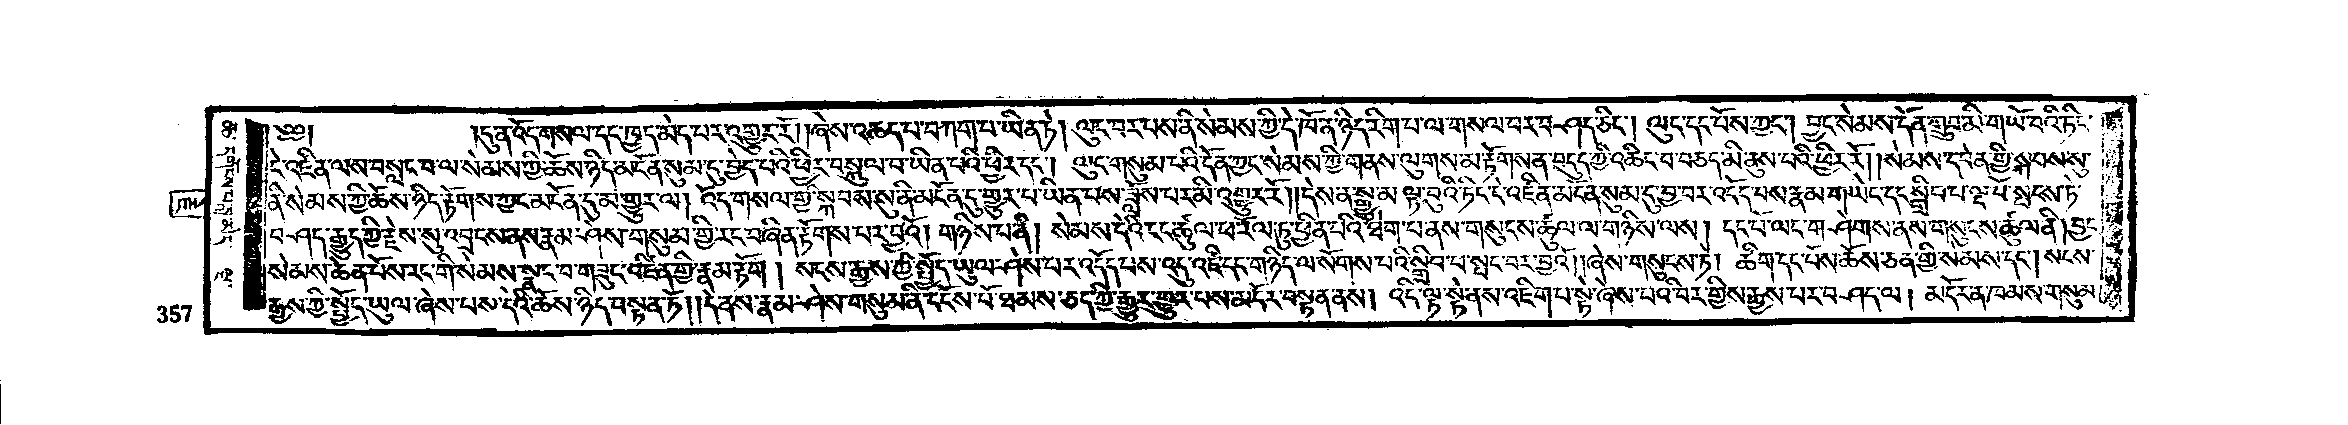༄༅། །དུ་ན་འོད་གསལ་དང་ཁྱད་མེད་པར་འགྱུར་རོ། །ཞེས་འཆད་པ་བཀག་པ་ཡིན་ཏེ། ལུང་བར་པས་ནི་སེམས་ཀྱི་དེ་ཁོ་ན་ཉིད་རིག་པ་ལ་གསལ་བར་བཤད་ཅིང་། ལུང་དང་པོས་ཀྱང་། བྱང་སེམས་དོན་གྲུབ་མི་གཡོ་བའི་ཏིང་
ངེ་འཛིན་ལས་བསླང་བ་ལ་སེམས་ཀྱི་ཆོས་ཉིད་མངོན་སུམ་དུ་བྱེད་པའི་ཕྱིར་བསྐུལ་བ་ཡིན་པའི་ཕྱིར་དང་། ལུང་གསུམ་པའི་དོན་ཀྱང་སེམས་ཀྱི་གནས་ལུགས་མ་རྟོགས་ན་བདུད་ཀྱི་འཆིང་བ་བཅད་མི་ནུས་པའི་ཕྱིར་རོ། །སེམས་དབེན་གྱི་སྐབས་སུ་
ནི་སེམས་ཀྱི་ཆོས་ཉིད་རྟོགས་ཀྱང་མངོན་དུ་མ་གྱུར་ལ། འོད་གསལ་གྱི་སྐབས་སུ་ནི་མངོན་དུ་གྱུར་པ་ཡིན་པས་ཟློས་པར་མི་འགྱུར་རོ། །དེས་ན་སྒྱུ་མ་ལྟ་བུའི་ཏིང་ངེ་འཛིན་མངོན་སུམ་དུ་བྱ་བར་འདོད་པས་རྣམ་གཡེང་དང་སྒྲིབ་པ་ལྔ་པོ་སྤངས་ཏེ་
བཤད་རྒྱུད་ཀྱི་རྗེས་སུ་འབྲངས་ནས་རྣམ་ཤེས་གསུམ་གྱི་རང་བཞིན་རྟོགས་པར་བྱའོ། གཉིས་པ་ནི། སེམས་དེའི་ངང་ཚུལ་ཕ་རོལ་ཏུ་ཕྱིན་པའི་ཐེག་པ་ནས་གསུངས་ཚུལ་ལ་གཉིས་ལས། དང་པོ་ལང་གཤེགས་ནས་གསུངས་ཚུལ་ནི། བྱང་
སེམས་ཆེན་པོས་རང་གི་སེམས་སྣང་བ་གཟུང་འཛིན་གྱི་རྣམ་རྟོག །སངས་རྒྱས་ཀྱི་སྤྱོད་ཡུལ་ཤེས་པར་འདོད་པས་འདུ་འཛི་དང་གཉིད་ལ་སོགས་པའི་སྒྲིབ་པ་སྤང་བར་བྱའོ། །ཞེས་གསུངས་ཏེ། ཚིག་དང་པོས་ཆོས་ཅན་གྱི་སེམས་དང་། སངས་
རྒྱས་ཀྱི་སྤྱོད་ཡུལ་ཞེས་པས་དེའི་ཆོས་ཉིད་བསྟན་ཏོ། །དེ་ནས་རྣམ་ཤེས་གསུམ་ནི་དངོས་པོ་ཐམས་ཅད་ཀྱི་རྒྱུར་གྱུར་པས་མདོར་བསྟན་ནས། འདི་ལྟ་སྟེ་ནས་འཇིག་པ་སྟེ་ཞེས་པའི་བར་གྱིས་རྒྱས་པར་བཤད་ལ། མདོར་ན་ཁམས་གསུམ་